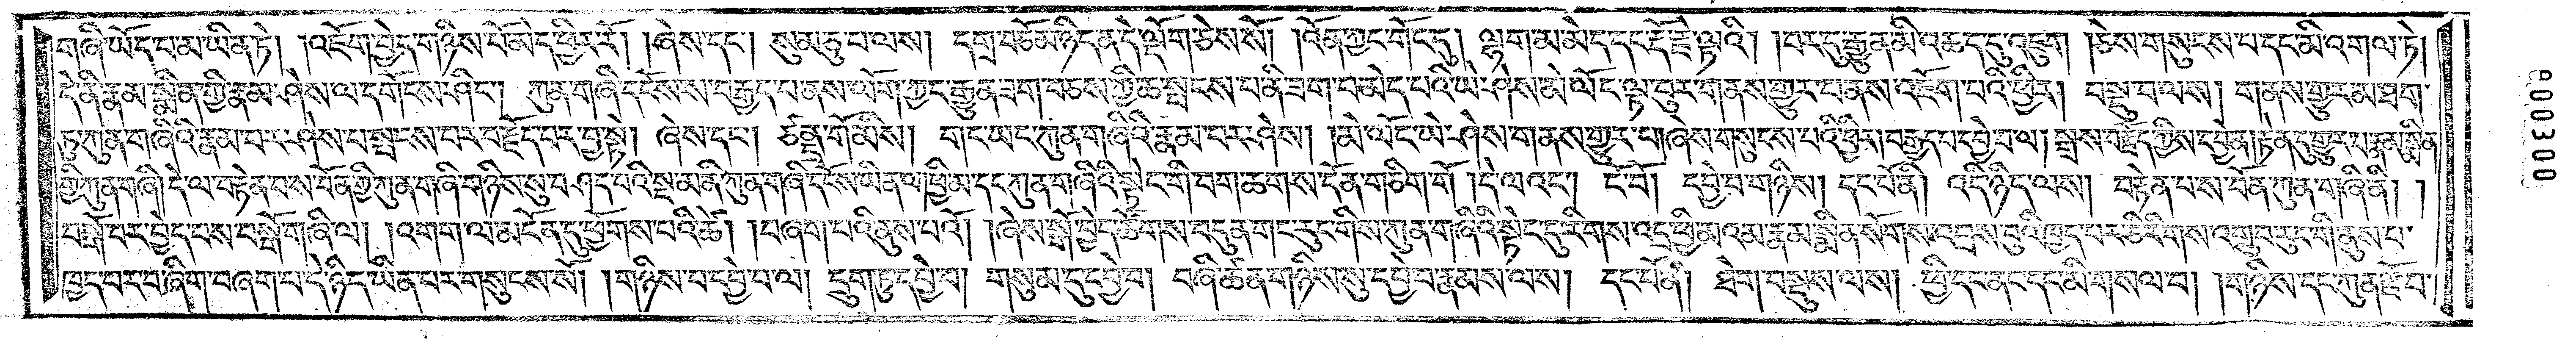གཞི་ཡོད་པ་མ་ཡིན་ཏེ། །འཇོག་བྱེད་གཉིས་པོ་མེད་ཕྱིར་རོ། །ཞེས་དང་། སུམ་ཅུ་པ་ལས། དགྲ་བཅོམ་ཉིད་ན་དེ་ལྡོག་ཅེས་སོ། །འོན་ཀྱང་གོང་དུ། ལྷག་མ་མེད་དང་རྡོ་རྗེ་ལྟའི། །བར་དུ་རྒྱུན་མི་འཆད་དུ་འཇུག །ཅེས་གསུངས་པ་དང་མི་འགལ་ཏེ།
དེ་ནི་རྣམ་སྨིན་གྱི་རྣམ་ཤེས་ལ་དགོངས་ཤིང་། ཀུན་གཞི་དངོས་ས་བརྒྱད་པ་ནས་ལོག་ཀྱང་རྒྱུན་ཟག་བཅས་ཀྱི་ཆ་སྤངས་པ་ནི་ཟག་པ་མེད་པའི་ཡེ་ཤེས་མེ་ལོང་ལྟ་བུར་གནས་གྱུར་པ་ནས་འཇོག་པའི་ཕྱིར། བསྡུ་བ་ལས། གནས་གྱུར་མ་ཐག་
ཏུ་ཀུན་གཞིའི་རྣམ་པར་ཤེས་པ་སྤངས་པར་བརྗོད་པར་བྱ་སྟེ། ཞེས་དང་། ཙནྡྲ་གོ་མིས། གང་ཡང་ཀུན་གཞིའི་རྣམ་པར་ཤེས། །མེ་ལོང་ཡེ་ཤེས་གནས་གྱུར་གཞེས་གསུངས་པའི་ཕྱིར། བརྒྱད་པར་དབྱེ་བ་ལ། སྒྲས་བརྗོད་ཀྱིས་དབྱེ་ན། རྟེན་དུ་གྱུར་པ་རྣམས་སྨིན་
གྱི་ཀུན་གཞི། །དེ་ལ་བརྟེན་པ་ས་བོན་ཀུན་གཞི་གཉིས་སུ་བཤད་པའི་སྔ་མ་ནི་ཀུན་གཞི་དངོས་ཡིན་ལ། ཕྱི་མ་དང་ཀུན་གཞིའི་སྟེང་གི་བག་ཆགས་དོན་གཅིག་གོ །དེ་ལའང་། ངོ་བོ། དབྱེ་བ་གཉིས། དང་པོ་ནི། འདི་ཉིད་ལས། བརྟེན་པ་ས་བོན་ཀུན་གཞི་ནི། །
བསྒོ་བར་བྱེད་པས་བསྒོ་གཞི་ལ། འགག་ལ་མངོན་དུ་ཕྱོགས་པའི་ཚེ། བཞག་པའི་ནུས་པའོ། །ཞེས་སྒོ་བྱེད་ཚོགས་བདུན་གང་རུང་གིས་ཀུན་གཞིའི་སྟེང་དུ་རིགས་འདྲ་ཕྱི་མའམ་རྣམ་སྨིན་སོགས་འབྲས་བུའི་ཁྱད་པར་ཅི་རིགས་འགྲུབ་རུང་གི་ནུས་པ་
ཁྱད་པར་བ་ཞིག་བཞག་པ་དེ་ཉིད་ཡིན་པར་གསུངས་སོ། །གཉིས་པ་དབྱེ་བ་ལ། དྲུག་ཏུ་དབྱེ་བ། གསུམ་དུ་དབྱེ་བ། བཞི་ཚན་གཉིས་སུ་དབྱེ་བ་རྣམས་ལས། དང་པོ་ནི། ཐེག་བསྡུས་ལས། ཕྱི་དང་ནང་དང་མི་གསལ་བ། །གཉིས་དང་ཀུན་རྫོབ།